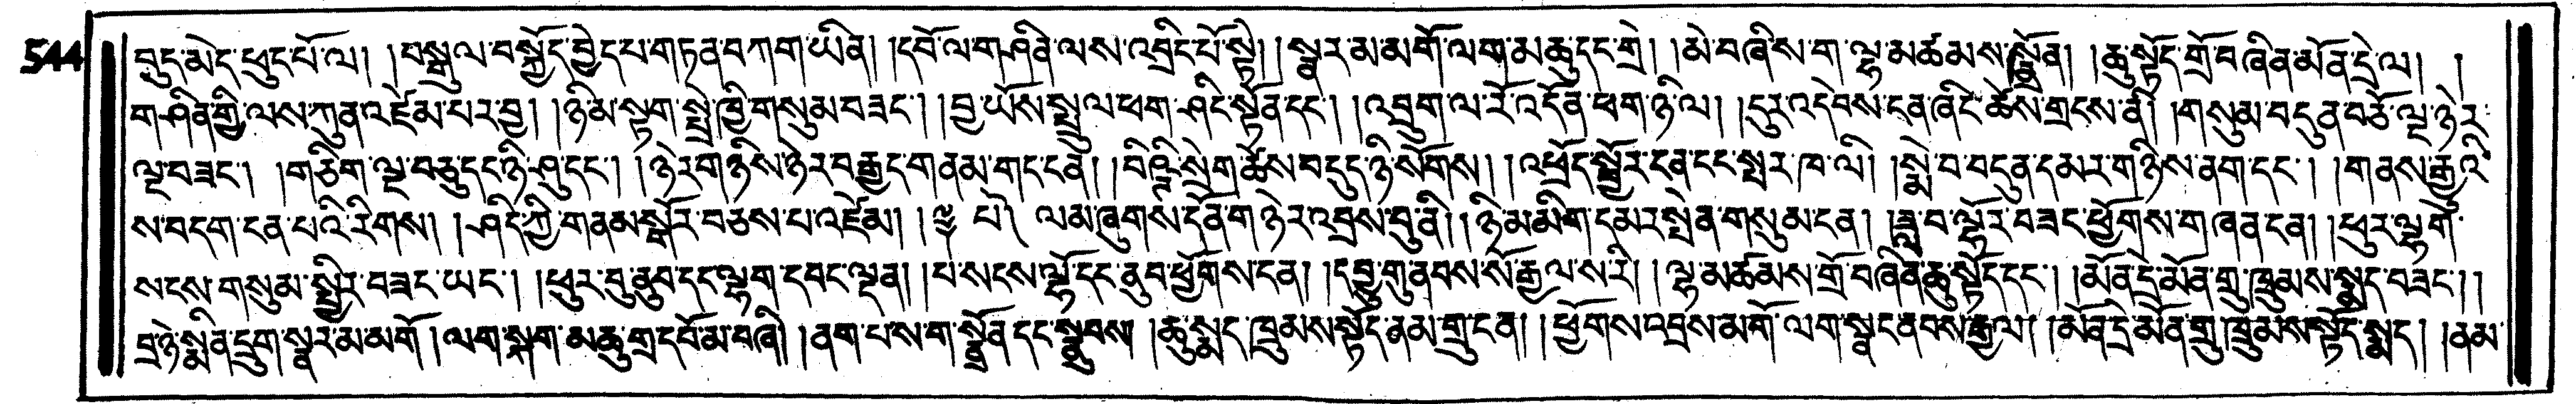བུད་མེད་ཕུང་པོ་ལ། །བསྒུལ་བསྐྱོད་བྱེད་པ་གཏན་བཀག་ཡིན། །དབོ་ལ་གཤིན་ལས་འབྲིང་པོ་སྟེ། །སྣར་མ་མགོ་ལག་མཆུ་དང་གྲེ། །མེ་བཞི་ས་ག་ལྷ་མཚམས་སྣྲོན། །ཆུ་སྟོད་གྲོ་བཞིན་མོན་དྲེ་ལ། །
གཤིན་གྱི་ལས་ཀུན་འཛེམ་པར་བྱ། །ཉི་མ་སྟག་སྤྲེ་ཁྱི་གསུམ་བཟང་། །བྱ་ཡོས་སྤྲུལ་ཕག་ཤིང་སྟོན་དང་། །འབྲུག་ལ་རོ་འདོན་ཕག་ཉི་ལ། །དུར་འདེབས་ངན་ཞིང་ཚེས་གྲངས་ནི། །གསུམ་བདུན་བཅོ་ལྔ་ཉེར་
ལྔ་བཟང་། །གཅིག་ལྔ་བཅུ་དང་ཉི་ཤུ་དང་། །ཉེར་གཉིས་ཉེར་བརྒྱད་གནམ་གང་ངན། །བིཥྚི་སྲེག་ཚེས་བདུད་ཉི་སོགས། །འཕྲོད་སྦྱོར་ངན་ངང་སྤར་ཁ་ལི། །སྨེ་བ་བདུན་དམར་གཉིས་ནག་དང་། །གནས་རྒྱུའི་
ས་བདག་ངན་པའི་རིགས། །ཤིད་ཀྱི་གནམ་སྒོར་བཅས་པ་འཛེམ། ། འ་པ་ལམ་ཞུགས་དོན་གཉེར་འབྲས་བུ་ནི། །ཉི་མ་མིག་དམར་སྤེན་གསུམ་ངན། །ཟླ་བ་ལྷོར་བཟང་ཕྱོགས་གཞན་ངན། །ཕུར་ལྷག་
སངས་གསུམ་སྤྱིར་བཟང་ཡང་། །ཕུར་བུ་ནུབ་དང་ལྷག་དབང་ལྡན། །པ་སངས་ལྷོ་དང་ནུབ་ཕྱོགས་ངན། །དབྱུ་གུ་ནབས་སོ་རྒྱལ་ས་རི། །ལྷ་མཚམས་གྲོ་བཞིན་ཆུ་སྟོད་དང་། །མོན་དྲེ་མོན་གྲུ་ཁྲུམས་སྨད་བཟང་། །
བྲ་ཉེ་སྨིན་དྲུག་སྣར་མ་མགོ། །ལག་སྐག་མཆུ་གྲ་དབོ་མ་བཞི། །ནག་པས་ག་སྣྲོན་དང་སྣུབས། །ཆུ་སྨད་ཁྲུམས་སྟོད་ནམ་གྲུ་ངན། །ཕྱོགས་འབྲས་མགོ་ལག་སྣང་ནབས་རྒྱལ། །མོན་དྲེ་མོན་གྲུ་ཁྲུམས་སྟོད་སྨད། །ནཾ་